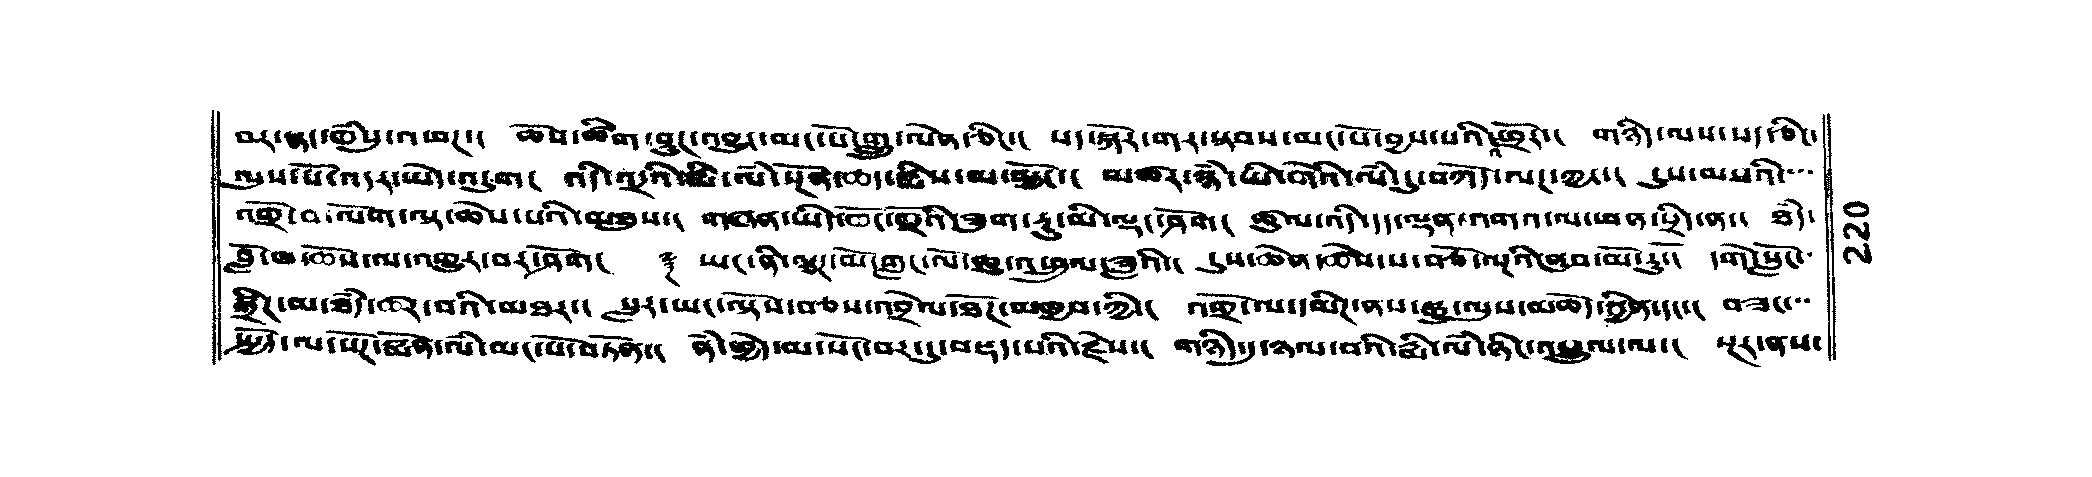བར་སྣང་ཁམས་སུ་འཕགས། །ཆོས་ཚིག་ཤུགས་འབྱུང་མང་པོ་གླུ་ལེན་ཅིང་། པད་སྐོར་གར་སྟབས་མང་པོ་བྱས་པའི་འཕྲོར། །གཉིས་ལས་སད་ཅིང་
ལུས་པོ་འདར་ཡོད་འདུག །འདི་འདྲའི་རྨི་ལམ་སྔོན་ཆད་རྨིས་མ་མྱོང་། །མཚར་སྙམ་ཡི་གེའི་ལམ་དུ་བཀོད་ལགས་ཀྱང་། །དུས་མཐའི་
འགྲོ་བ་ལོག་ལྟ་ཆེ་བའི་མཐུས། །གཞན་ཡིད་ཁོང་ཁྲོའི་ཟུག་རྔུ་མི་ལྡང་ཤོག །ཚུལ་འདི་དད་ལྡན་འགའ་ལ་ཕན་སྲིད་ན། །ཐམས་ཅད་
བློ་ཁ་ཆོས་ལ་འགྱུར་བ་ཤོག ༈ ཡང་ནི་ལྕགས་མོ་གླང་ལོ་ཆོ་འཕྲུལ་ཟླའི། །དུས་ཆེན་ཚེས་པ་བཅོ་ལྔའི་ནུབ་མོ་རུ། །དགེ་སློང་
སྒྲིགས་མ་ཐམས་ཅད་ཚར་བའི་མཐར། །སླར་ཡང་ལྟོས་བཅས་འབྲེལ་ཐོགས་མཁའ་ཁྱབ་ཀྱི། །འགྲོ་ལ་དམིགས་ནས་སྒྱུ་ལུས་མཆོད་སྦྱིན་དང་། །བཟང་
སྤྱོད་ལ་སོགས་སྨོན་ལམ་མང་པོ་བཏོན། །ནམ་ཕྱེད་མ་སོང་བར་དུ་བསྡད་པའི་རྗེས། གཉིད་དུ་ཉལ་བའི་རྨི་ལམ་ཉིང་འཁྲུལ་ལ། སྔར་ནས་